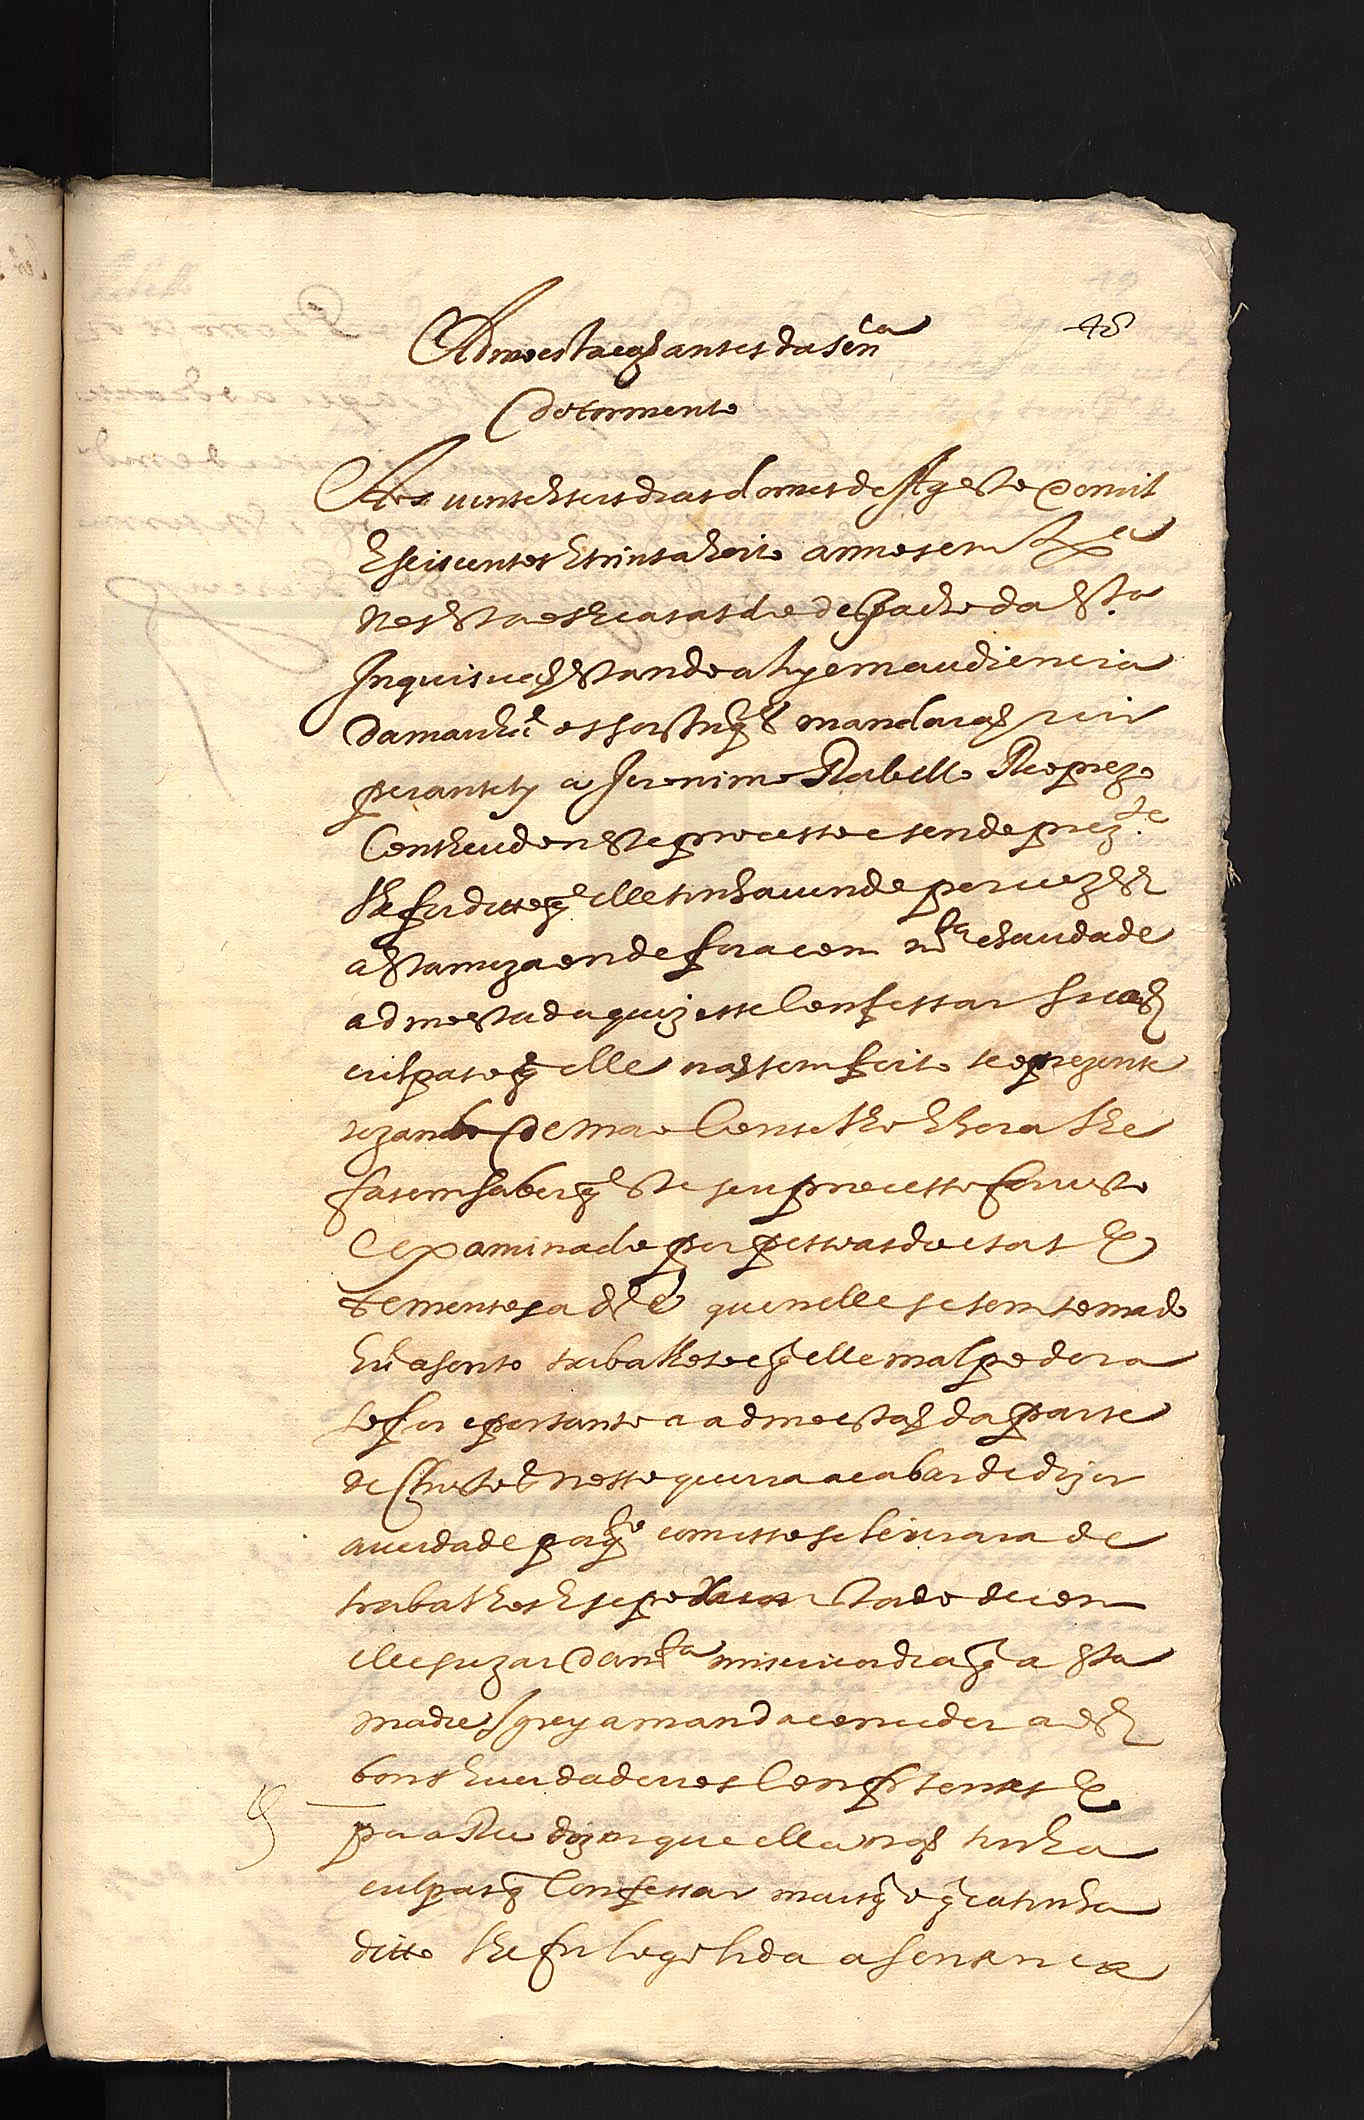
Admoestacaõ antes da senca
do tormento
Aos uinte E seis dias do mes de Agosto de mil
E seiscentos E trinta E oito annos em Lxa
nos Estaos E casas do despacho da s.ta
Jnquisicaõ estando ahy em audencia
da manhā os sors Inqres mandaraõ uir
perante sy a Jeronimo Rabello Reo prezo
Contheudo neste processo e sendo prez.te
lhe foi ditto q̄ elle tinha uindo por uezes
a esta meza onde fora com mta charidade
admoestado quizesse confessar suas
culpas o q̄ elle naõ tem feito te o prezente
vzando de mao Conselho E hora lhe
fasem saber q̄ este seu processo foi uisto
e examinado por pessoas doctas E
tementes a ds E que nelle se tem tomado
hū asento trabalhoso e q̄ elle mal podera
sofar e portanto a admoestaõ da parte
de Christo s̄ nosso queira acabar de dizer
a uerdade porqto com isso se liurara de
trabalhos E se podaem estado de com
elle se uzar da mta misericordia q̄ a sta
madre Jgreija manda conceder aos
bons E uerdadeiros confitentes E
por o Reo dizer que ella naõ tinha
culpas q̄ confessar mais q̄ o q̄ ia tinha
ditto lhe foi logo lida a sentenca
